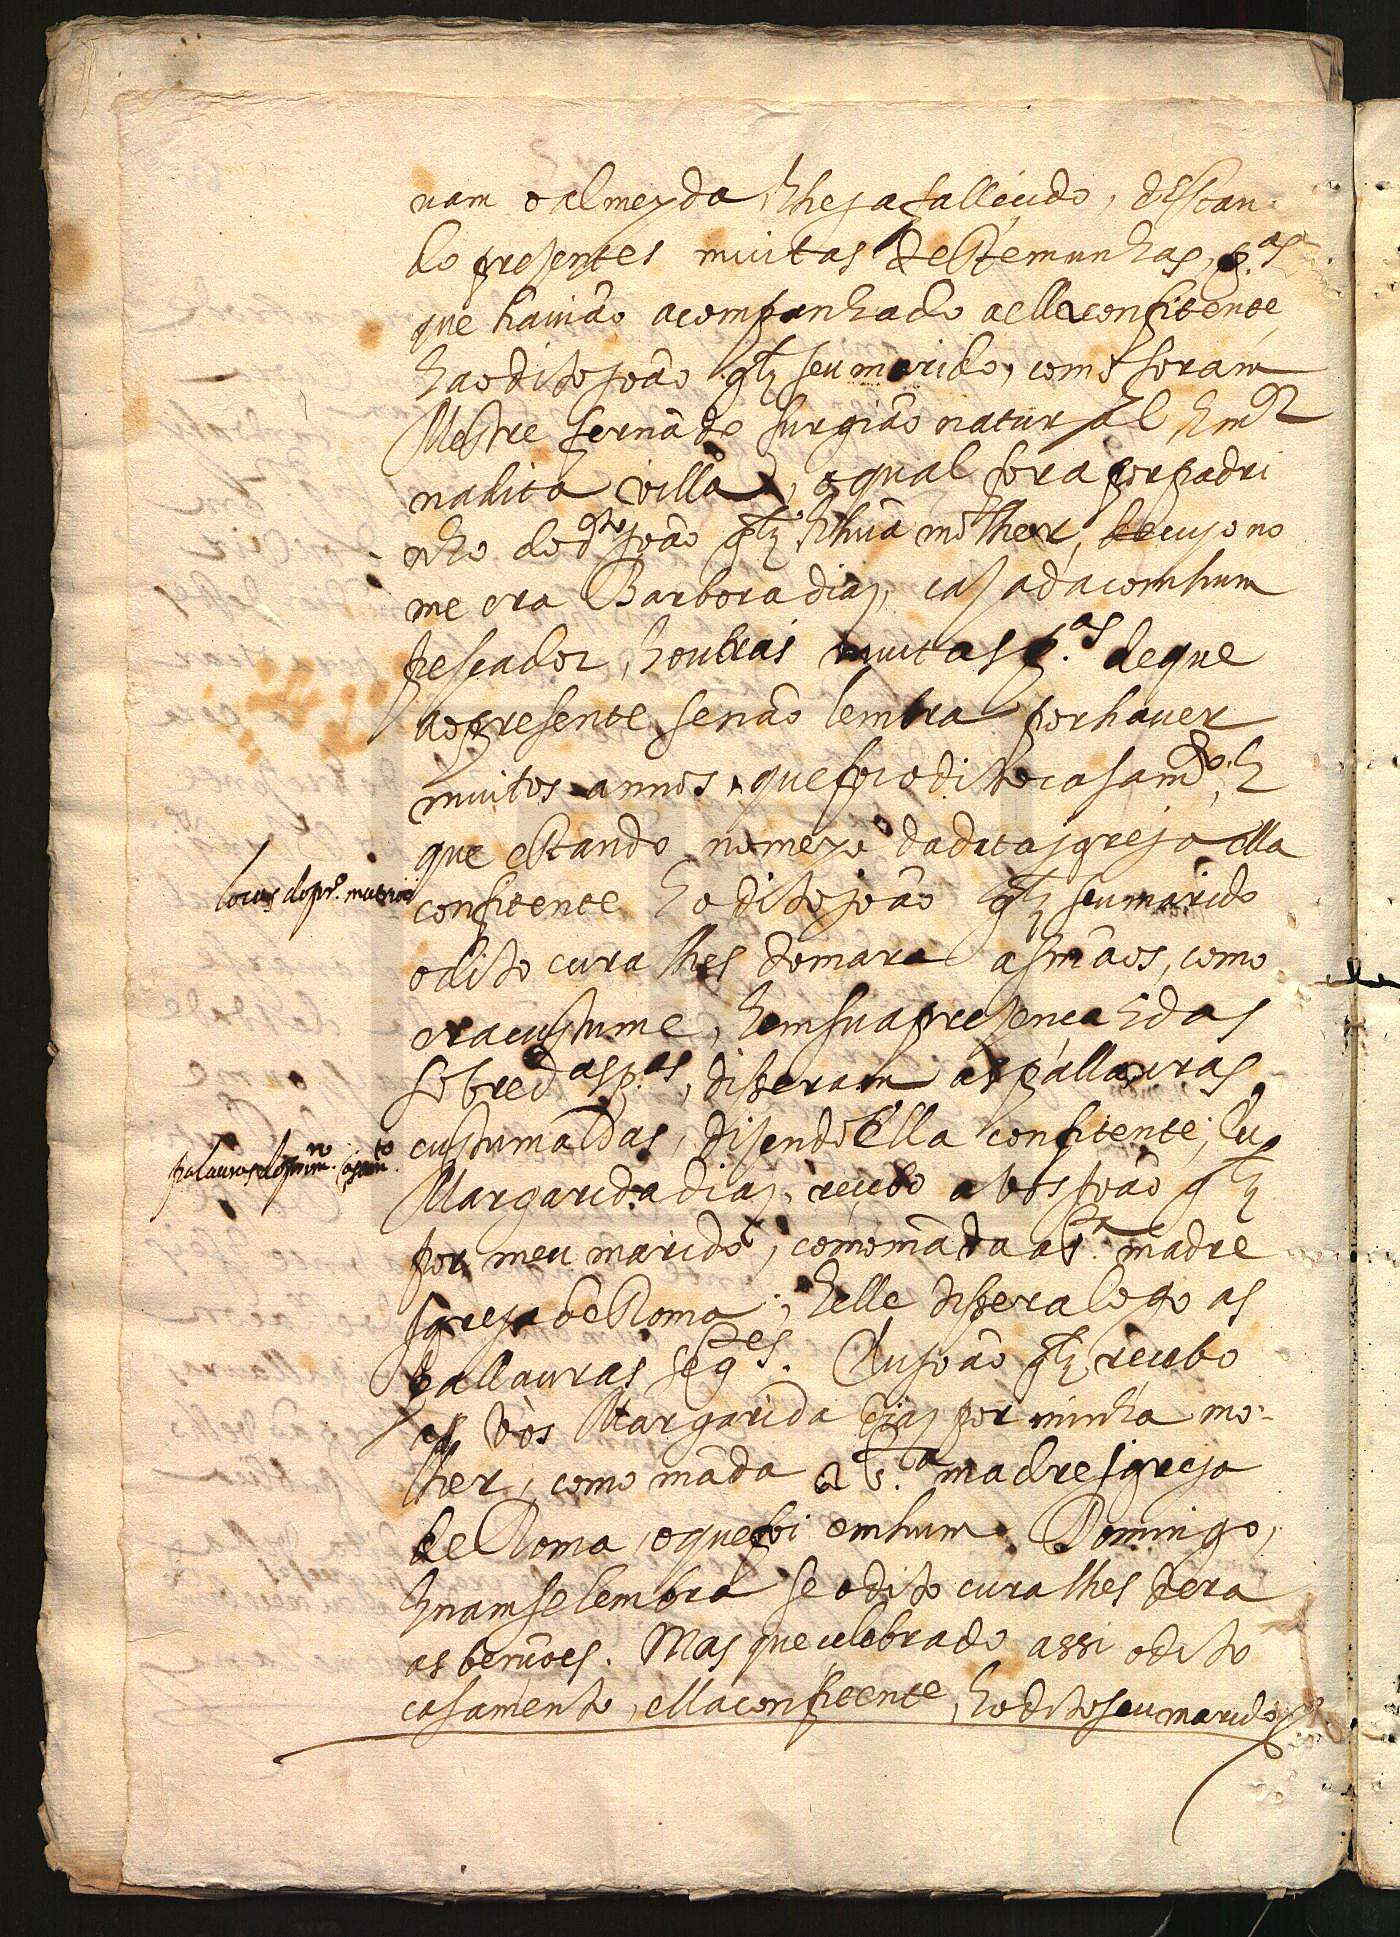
uam o almeyda, E he ja falleçido, & Estan
do presentes muitas testemunhas, p.as
que hauião acompanhado a ella confitente,
E ao dito João gl̄z seu marido, como foram
Mestre fernādo surgião natural, E mor
na dita villa, o qual fora por padri
nho do dto João gl̄z E huā molher, de cujo no
me era Barbora dias, casada com hum
pescador, E outras muitas p.as de que
ao presente se não lembra por hauer
muitos annos que foi o dito casamto., E
que estando no meyo da dita jgreja ella
confitente E o dito joão gl̄z seu marido
o dito cura lhes tomara as mãos, como
era custume, E em sua presença E das
sobredas p.as, disseram as pallauras
custumadas, disendo Ella confitente, Eu
Margarida dias, reçebo a vos João gl̄z
por meu marido, como māda a s.ta madre
Jgreja de Roma; E elle dissera logo as
pallauras segtes. Eu joão gl̄z reçebo
a _ vòs Margarida dias por minha mo
lher, como māda a s.ta madre Jgreja
de Roma, o que foi em hum Domingo,
E nam se lembra se o dito cura lhes dera
as benções. Mas que celebrado assi o dito
casamento, ella confitente, E o dito seu marido
